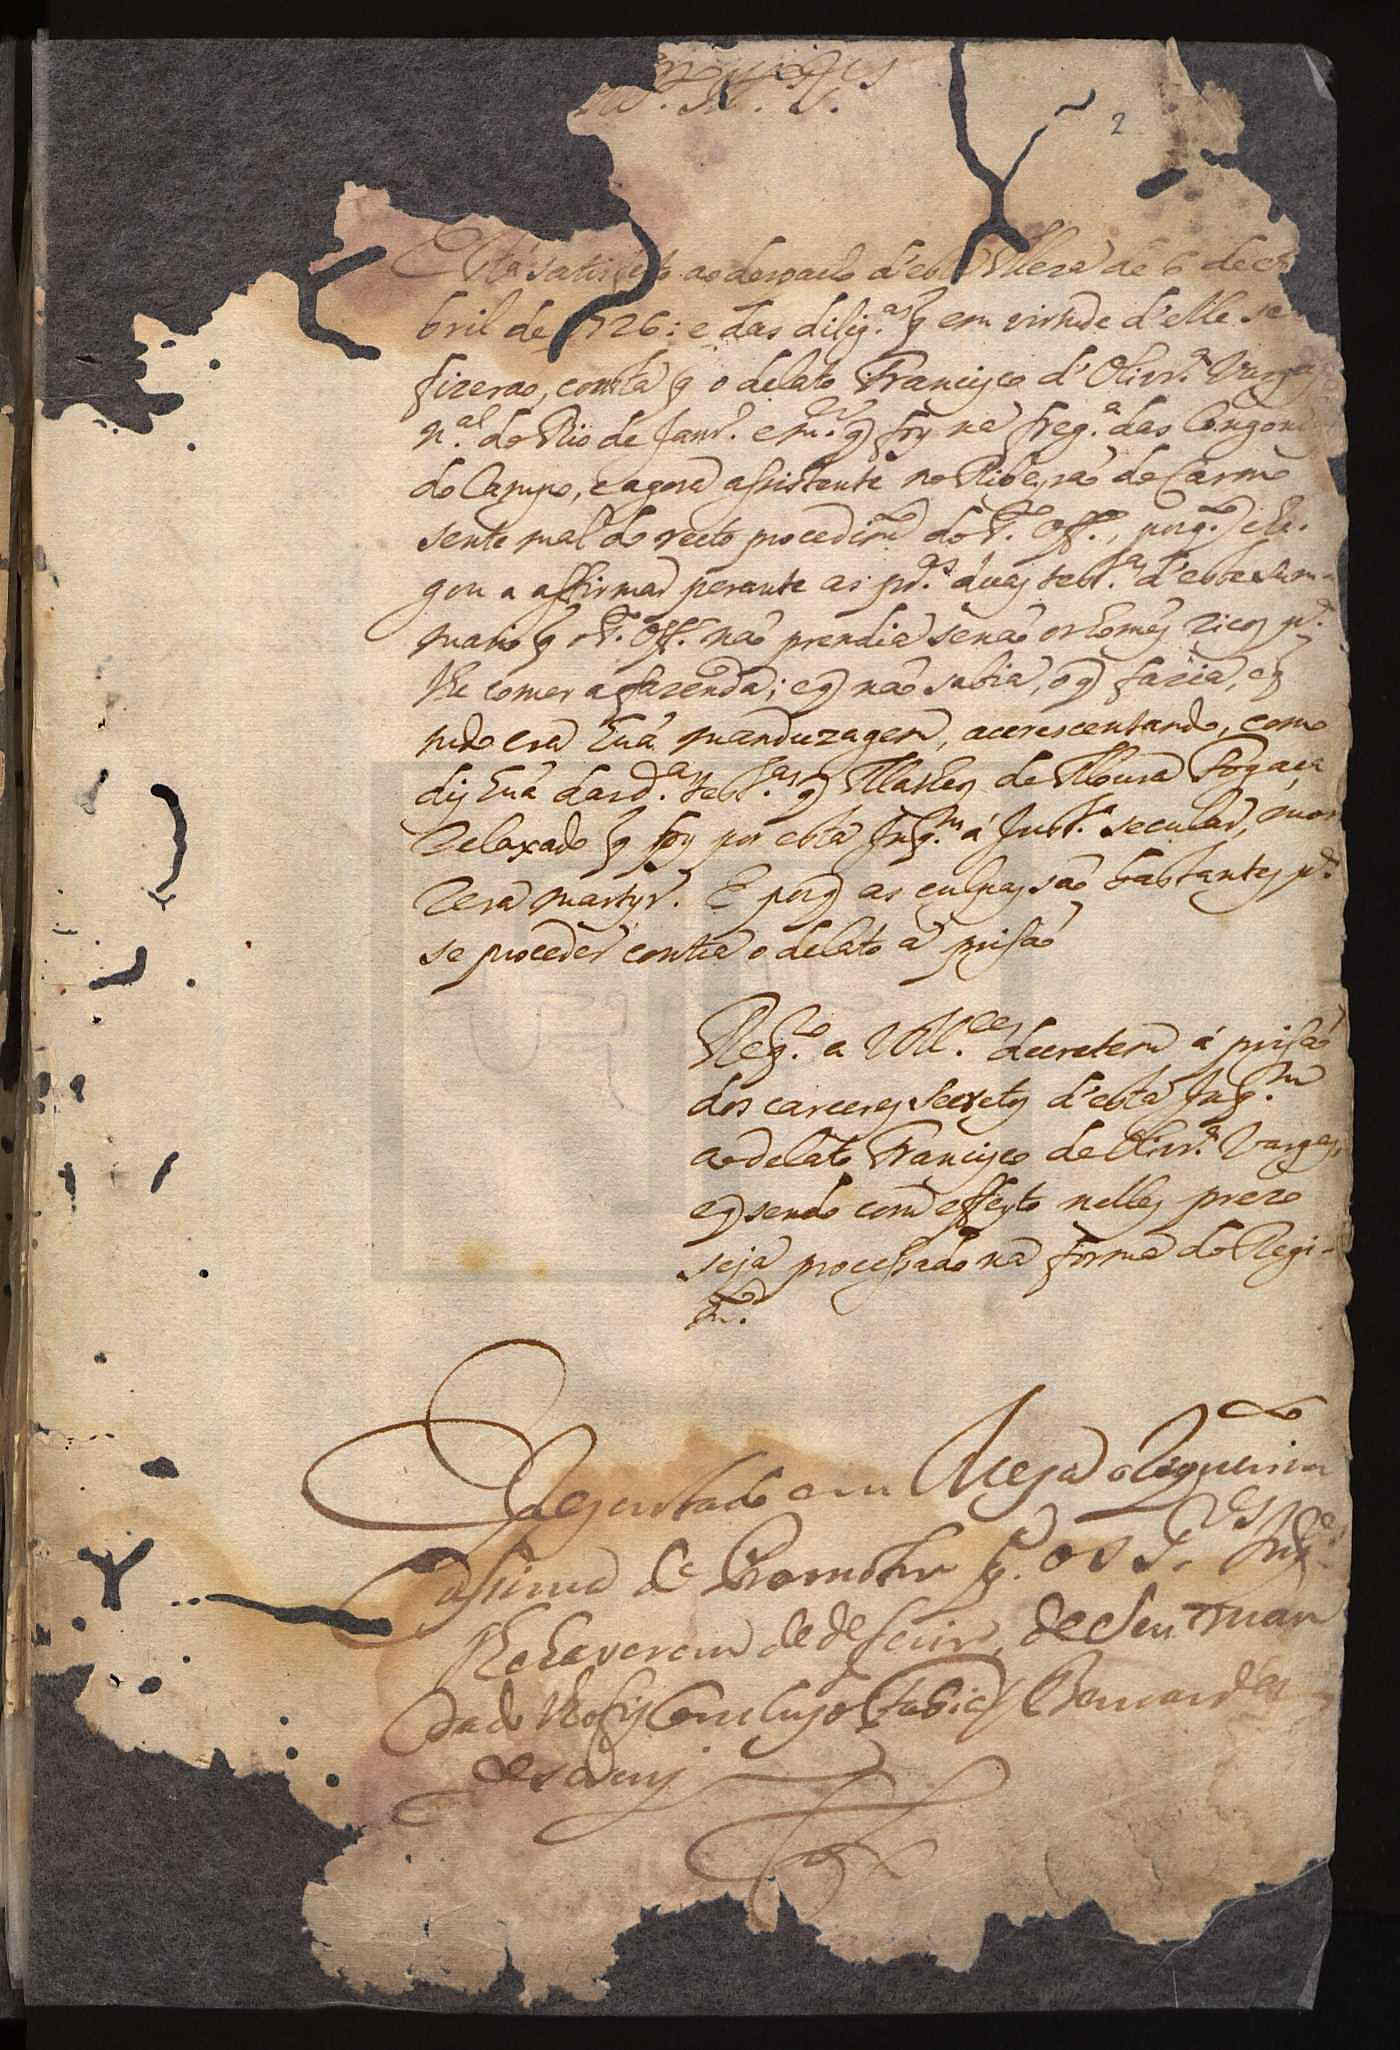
Está satisfeto ao despacho d'est_ Meza de 6 de A
bril de 1726: e das dilig.as q̄ em virtude d'elle se
fizeraõ, consta q̄ o delato Francisco d'Olivr.a Vargas
n.al do Rio de Janr.o e m.or q̄ foy na freg.a das Congonhas
do Campo, e agora assistente no Ribejraõ do Carmo
sente mal do recto procedimto do s.to Off.o, porq.to che
gou a affirmar perante as pr.as duas test.as d'este sum
mario q̄ o s.to off.o naõ prendia senaõ os homēs Ricos p.a
lhe comer a fazenda; e q̄ naõ sabia, o q̄ fazia, e q̄
tudo era huā manduzagem, accrescentando, como
dis huā das d.as test.as q̄ Matheos de Moura Fogaça
Relaxado q̄ foy por esta Jnq.m á Just.a secular, mor
Rera martyr. E porq̄ as culpas saõ bastantes p.a
se proceder contra o delato a prisaõ
Req.ro a V M.ces decretem á prisaõ
dos carceres secretos d'esta Jnq.m
ao delato Francisco de Olivr.a Vargas,
e q̄ sendo com effeyto nelles prezo
seja processado na forma do Regi
m.to
E prezentado em Meza o Requerimto
assima do Promotor p.a os S.res Inq.res
lhe haverem de deferir, de Seu man
dado lho fis Concluzo Fabiaõ Bernardes
o escreuj
CLo
